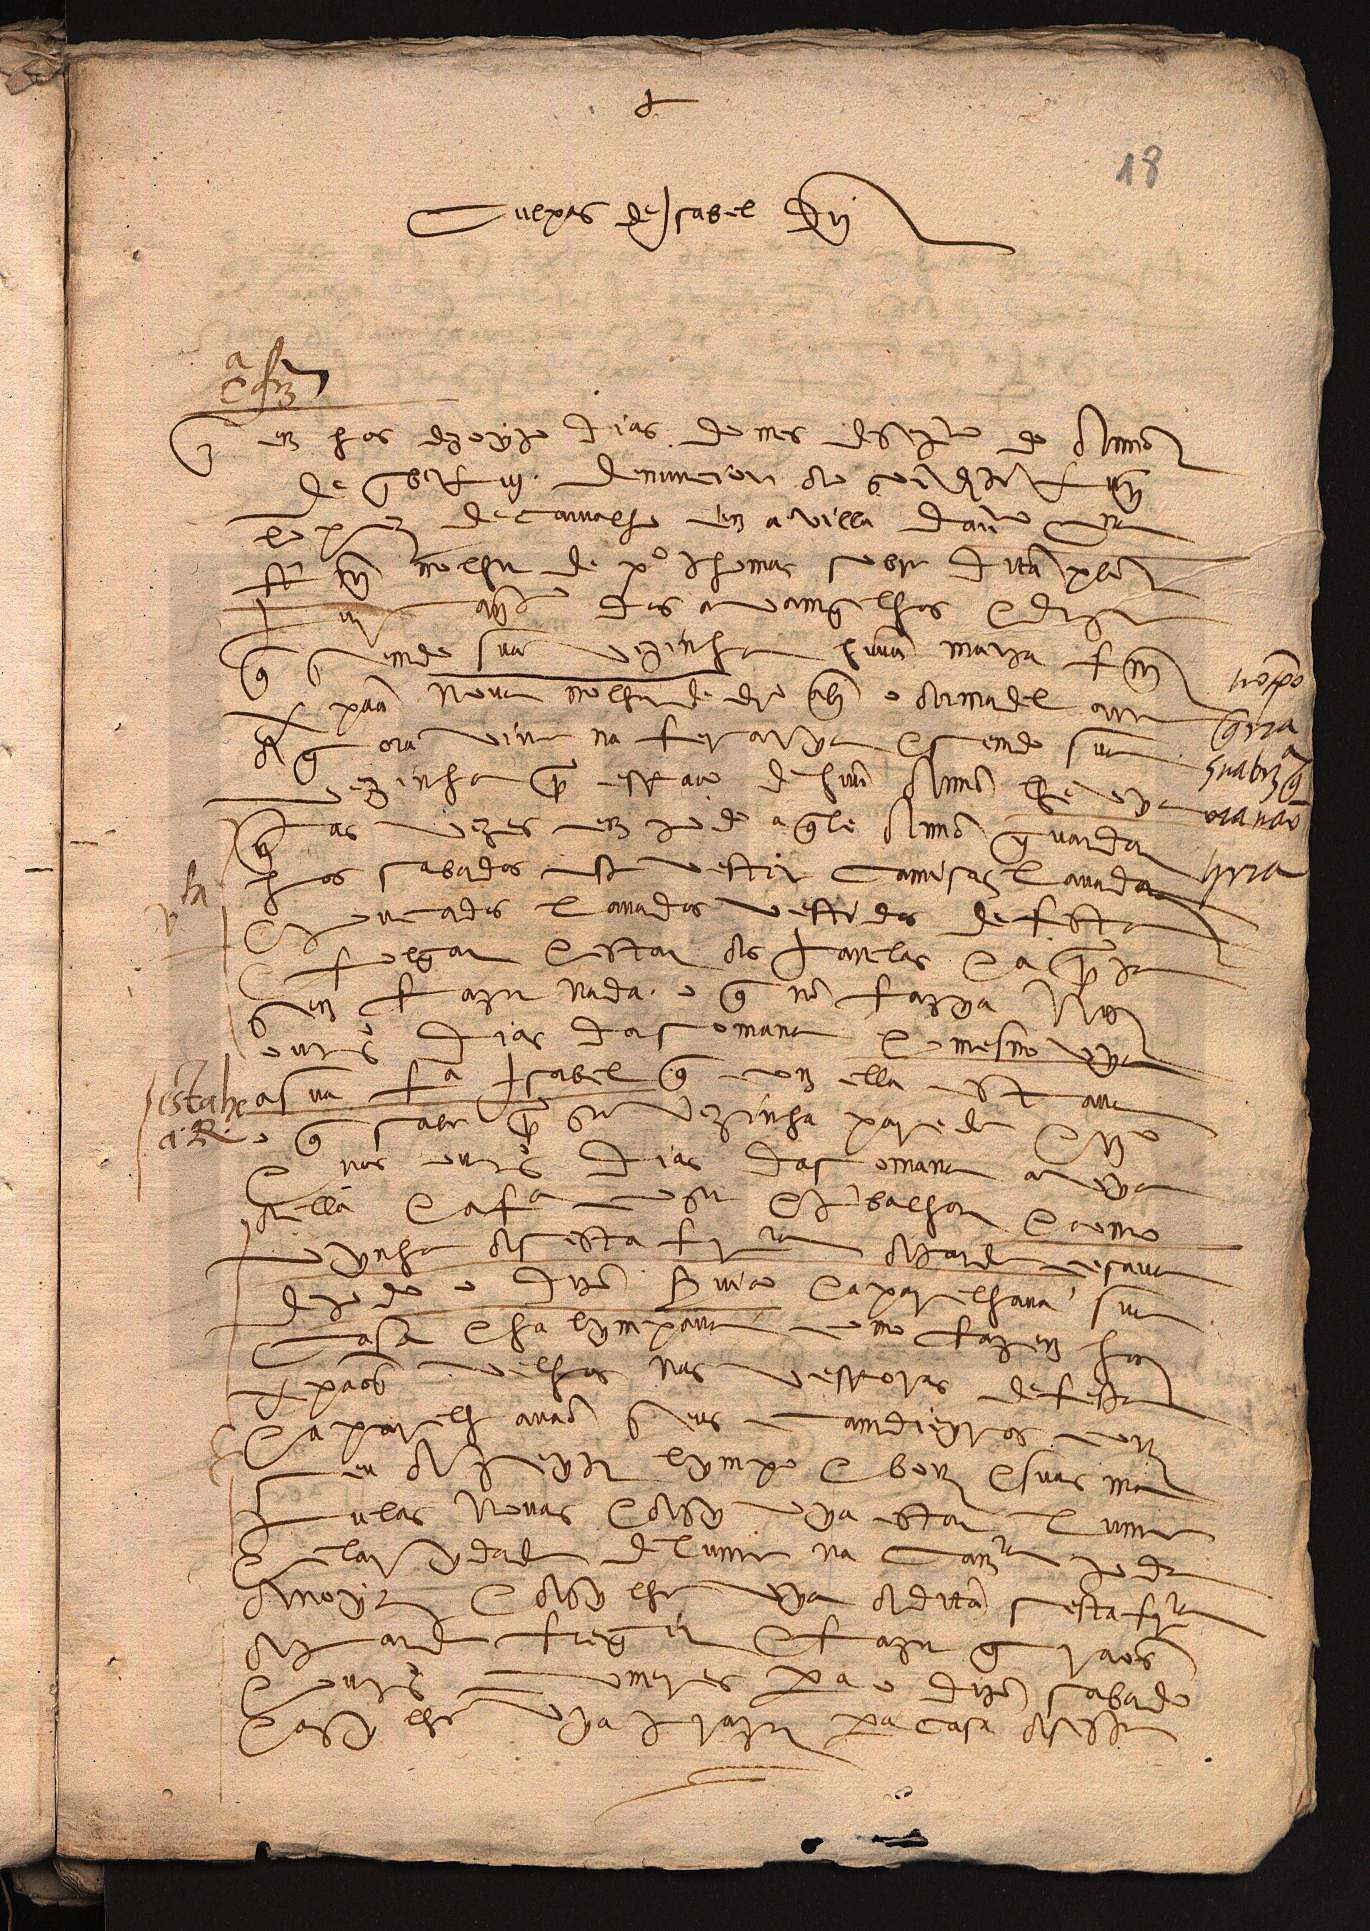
Culpas de Jsabel dīz
Ca fr̄z
item em hos dezoyto dias do mes de setro do Anno
de j̄ bc Riij. denunciou Ao sor̄ dtor Ruy
lopez de carualho em a villa dauro Cna
ffr̄rz molher de po thomas sobre dita plō
Juramto dos avamgelhos e dise
q̄ semdo sua vezinha huūa marta frr̄z
Xpāa noua molher de djo ālz o Armadel que
Agora viue na ferarya e semdo sua
vezinha p̄o espaço de huū Anno lhe vya
mtas vezes em todo aq̄le Anno guardar
hos sabados e se vestir camisas lauada
e toucados lauados vestidos de festa
e folgar e estar As Janelas e a p̄ota
sem fazer nada . o que nō fazya nos
outos dias da somana e o mesmo vya
a sua fa Jsabel q̄ com ella estaua
o q̄ sabe p̄o ser vezinha parede e mo
e nos outos dias da somana a vya
A ella e a fa coser e tibalhar e como
vynha A sesta frra A tarde çesaua
de todo o dito ꞩuiço e aparelhaua sua
Casa e ha lympaua como fazem hos
Xpãos velhos nas vesporas de festa
e aparelhauaõ seus camdieyros com
seu Azeyte lympo e bom e suas mā
tulas nouas e Asy vya estar lume
e clarydade de lume na Camra toda
A noyte e Asy lhe vya A dita sesta frra
A tarde fregir e fazer graõs
e outos comeres ꝑa o dito sabado
e asy lhe vya trazer ꝑa casa A sesta
